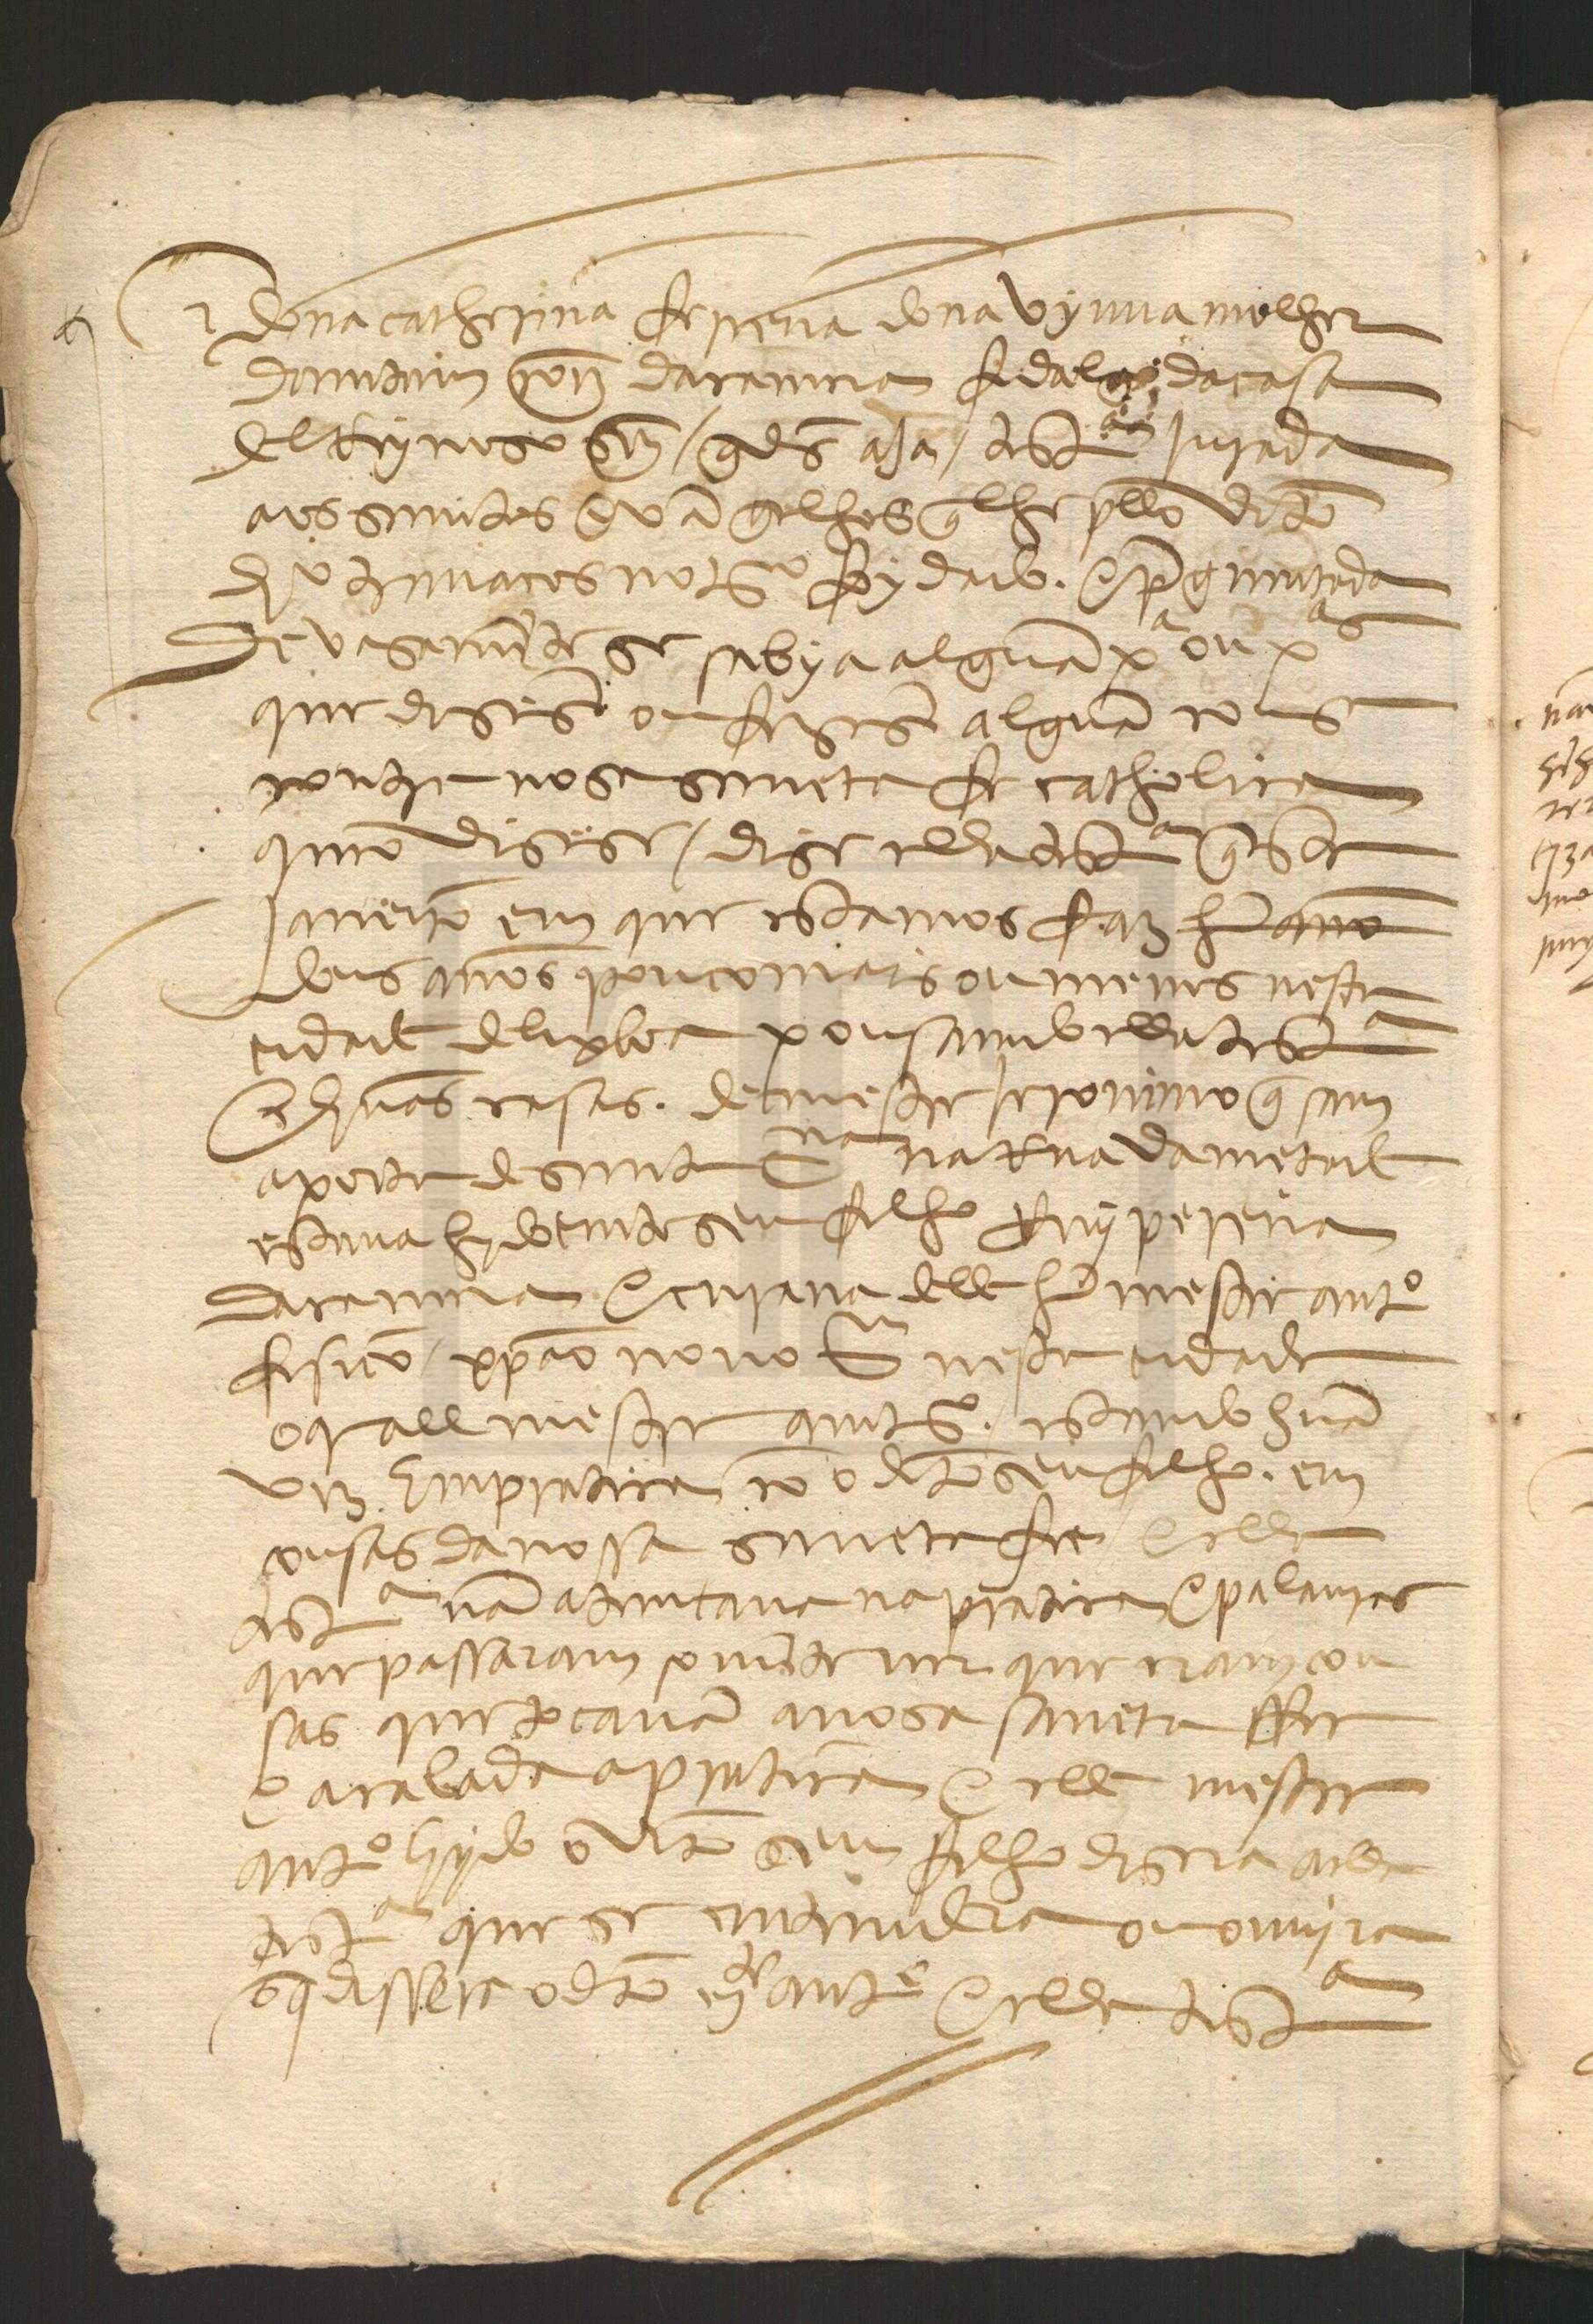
item dona catherina ferreira dona vyuua molher
damtam r̄oiz da camera fidalgo da casa
del Rey noso s̄or / q̄ ds̄ aJa / testa Jurada
aos samtos evāgelhos q̄ lhe p̄llo dito
djo trauaços notro foy dado. e p̄gumtada
devasamēte se sabya alguā pa ou pas
que disesē ou fizesē alguā cousa
contra nosa sancta fe catholica
que o disese / dise ella testa q̄ este
Janeiro em que estamos faz hū an̄o
dous an̄os pouco mais ou menos nesta
cidade de lixboa pousamdo ella testa
ē hūas casas. de mestre Jeronimo q̄ sam
a porta de samta Cna na Rua dametade
estaua hy doemte seu filho Ruy pereira
da camera e curaua delle hū mestre anto
fisico / xpão nouo mor nesta cidade
o quall mestre amto . estando huā
vez Em pratica c̄o o dito seu filho. em
cousas da nossa sancta fee / e ella
testa nā atemtaua na pratica e palauras
que passaram somēte uer que eram cou
sas que tocauā a nosa sancta ffee
e acabada a pratica e elle mestre
anto hydo o dito seu filho disera a ella
testa que se emtemdera ou ouujra
o q̄ dissera o dt̄o mte anto e ella testa
